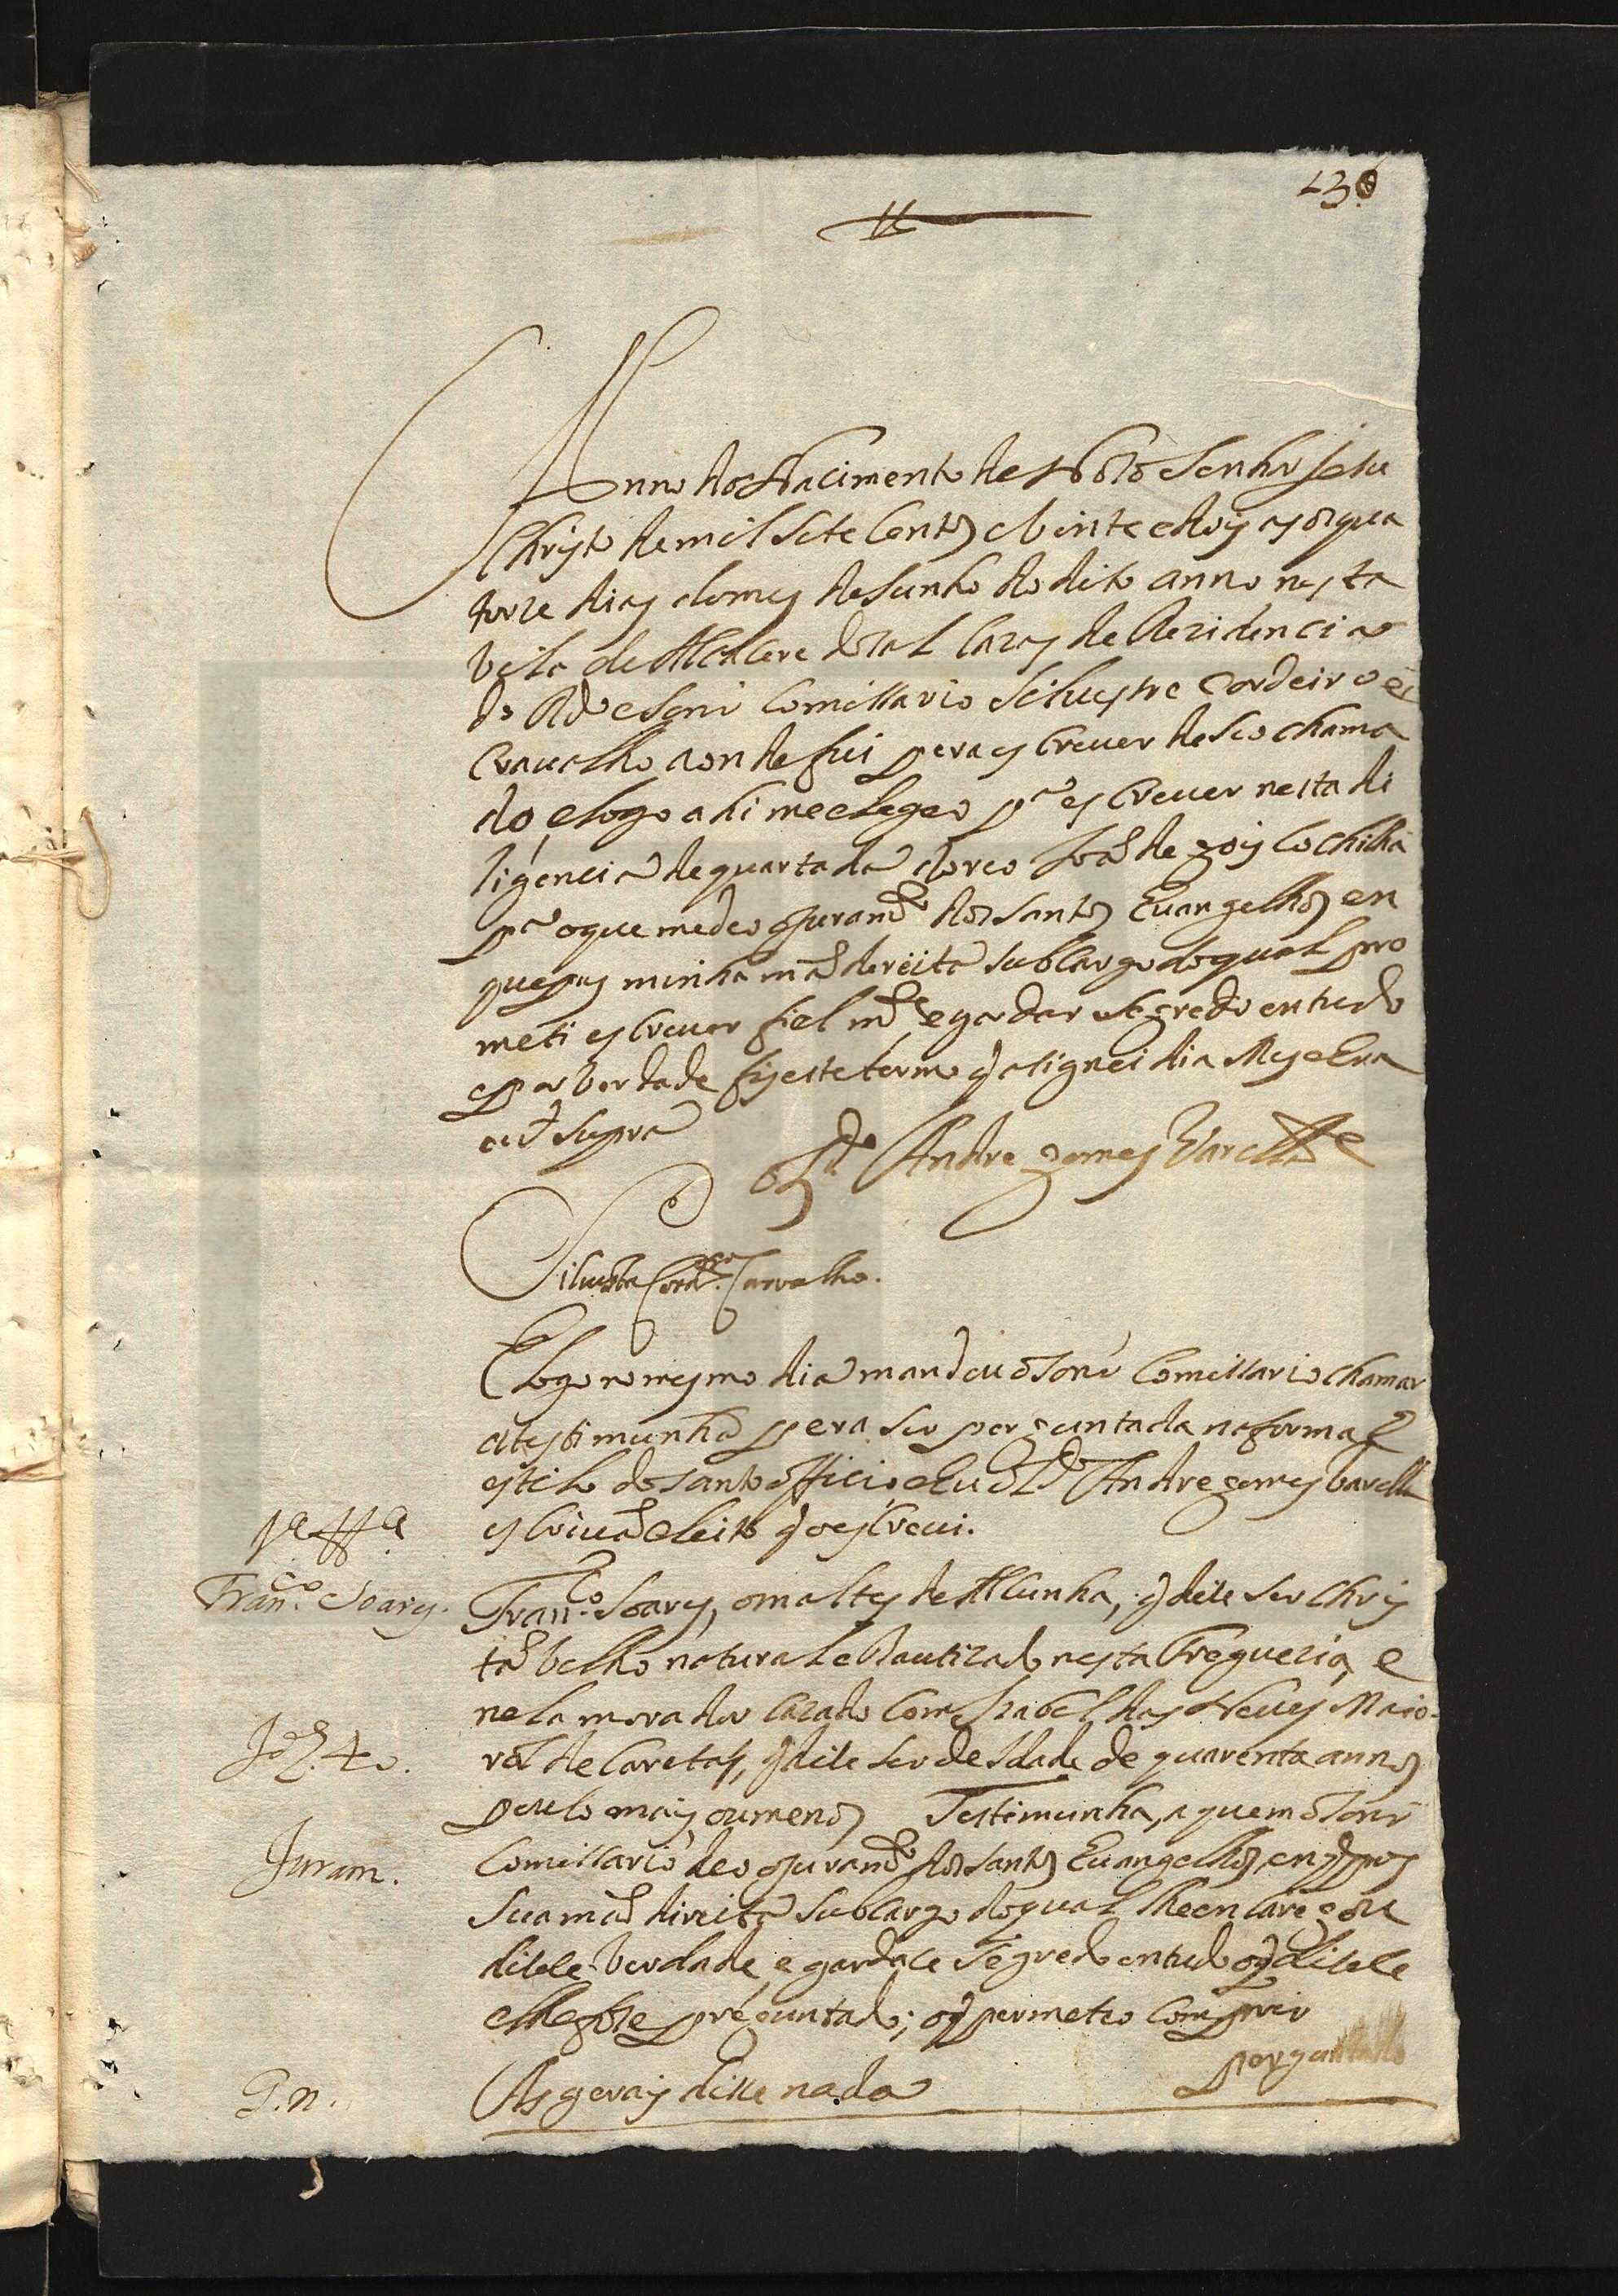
1.a tta.
Fran.co Soares
Jde. 40.
Juram.
G.n.
Anno do Nacimento de Noso Senhor Jesu
Christo de mil seteCentos e Vinte e dois as os qua
torze dias do mes de Iunho do dito anno nesta
vila de Alcacere do Sal Cazas de Rezidencia
do Rdo e Sonr Comissario Siluestre cordeiro e
Craualho aonde fui pera escreuer de seo chama
do e logo ahi me elegeo pa escreuer nesta di
ligencia de quartada do reo Joã de gois Cochilha
pa o que me deo o juramto dos Santos Euangelhos en
que pus minha mã dereita sub Cargo do qual pro
meti esCreuer fielmte, e gardar Segredo en tudo
e por verdade fizeste termo q̄ asignei dia Mes e Era
ut Supra
O L.do Andre gomes Varella
Siluesta Cord.ro Carvalho.
E logo no mesmo dia mandou o Senr Comissario chamar
a testimunha pera ser perguntada na forma e
estilo do santo officio, e Eu o Ldo Andre gomes Varella
esCriuã eleito q̄ o esCreui.
Fran.co Soares, o maltes de AlCunha, q̄ dise ser chris
taõ velho natural e Bautizado nesta Freguezia, e
nela morador Cazado Com Jzabel das Neues Maio
rol de Caretas, q̄ dise ser de Idade de quarenta annos
pouCo mais, ou menos Testimunha, a quem o Senr
Comissario deo o juramto dos santos Euangelhos, en q̄ pos
sua maõ direita sub cargo do qual lhe enCaregou
diCeCe Verdade, e gardace segredo entudo o q̄ diseCe
e lhe fose preguntado; o q̄ permeteo Comprir
pergu_
As gerais disse nada
